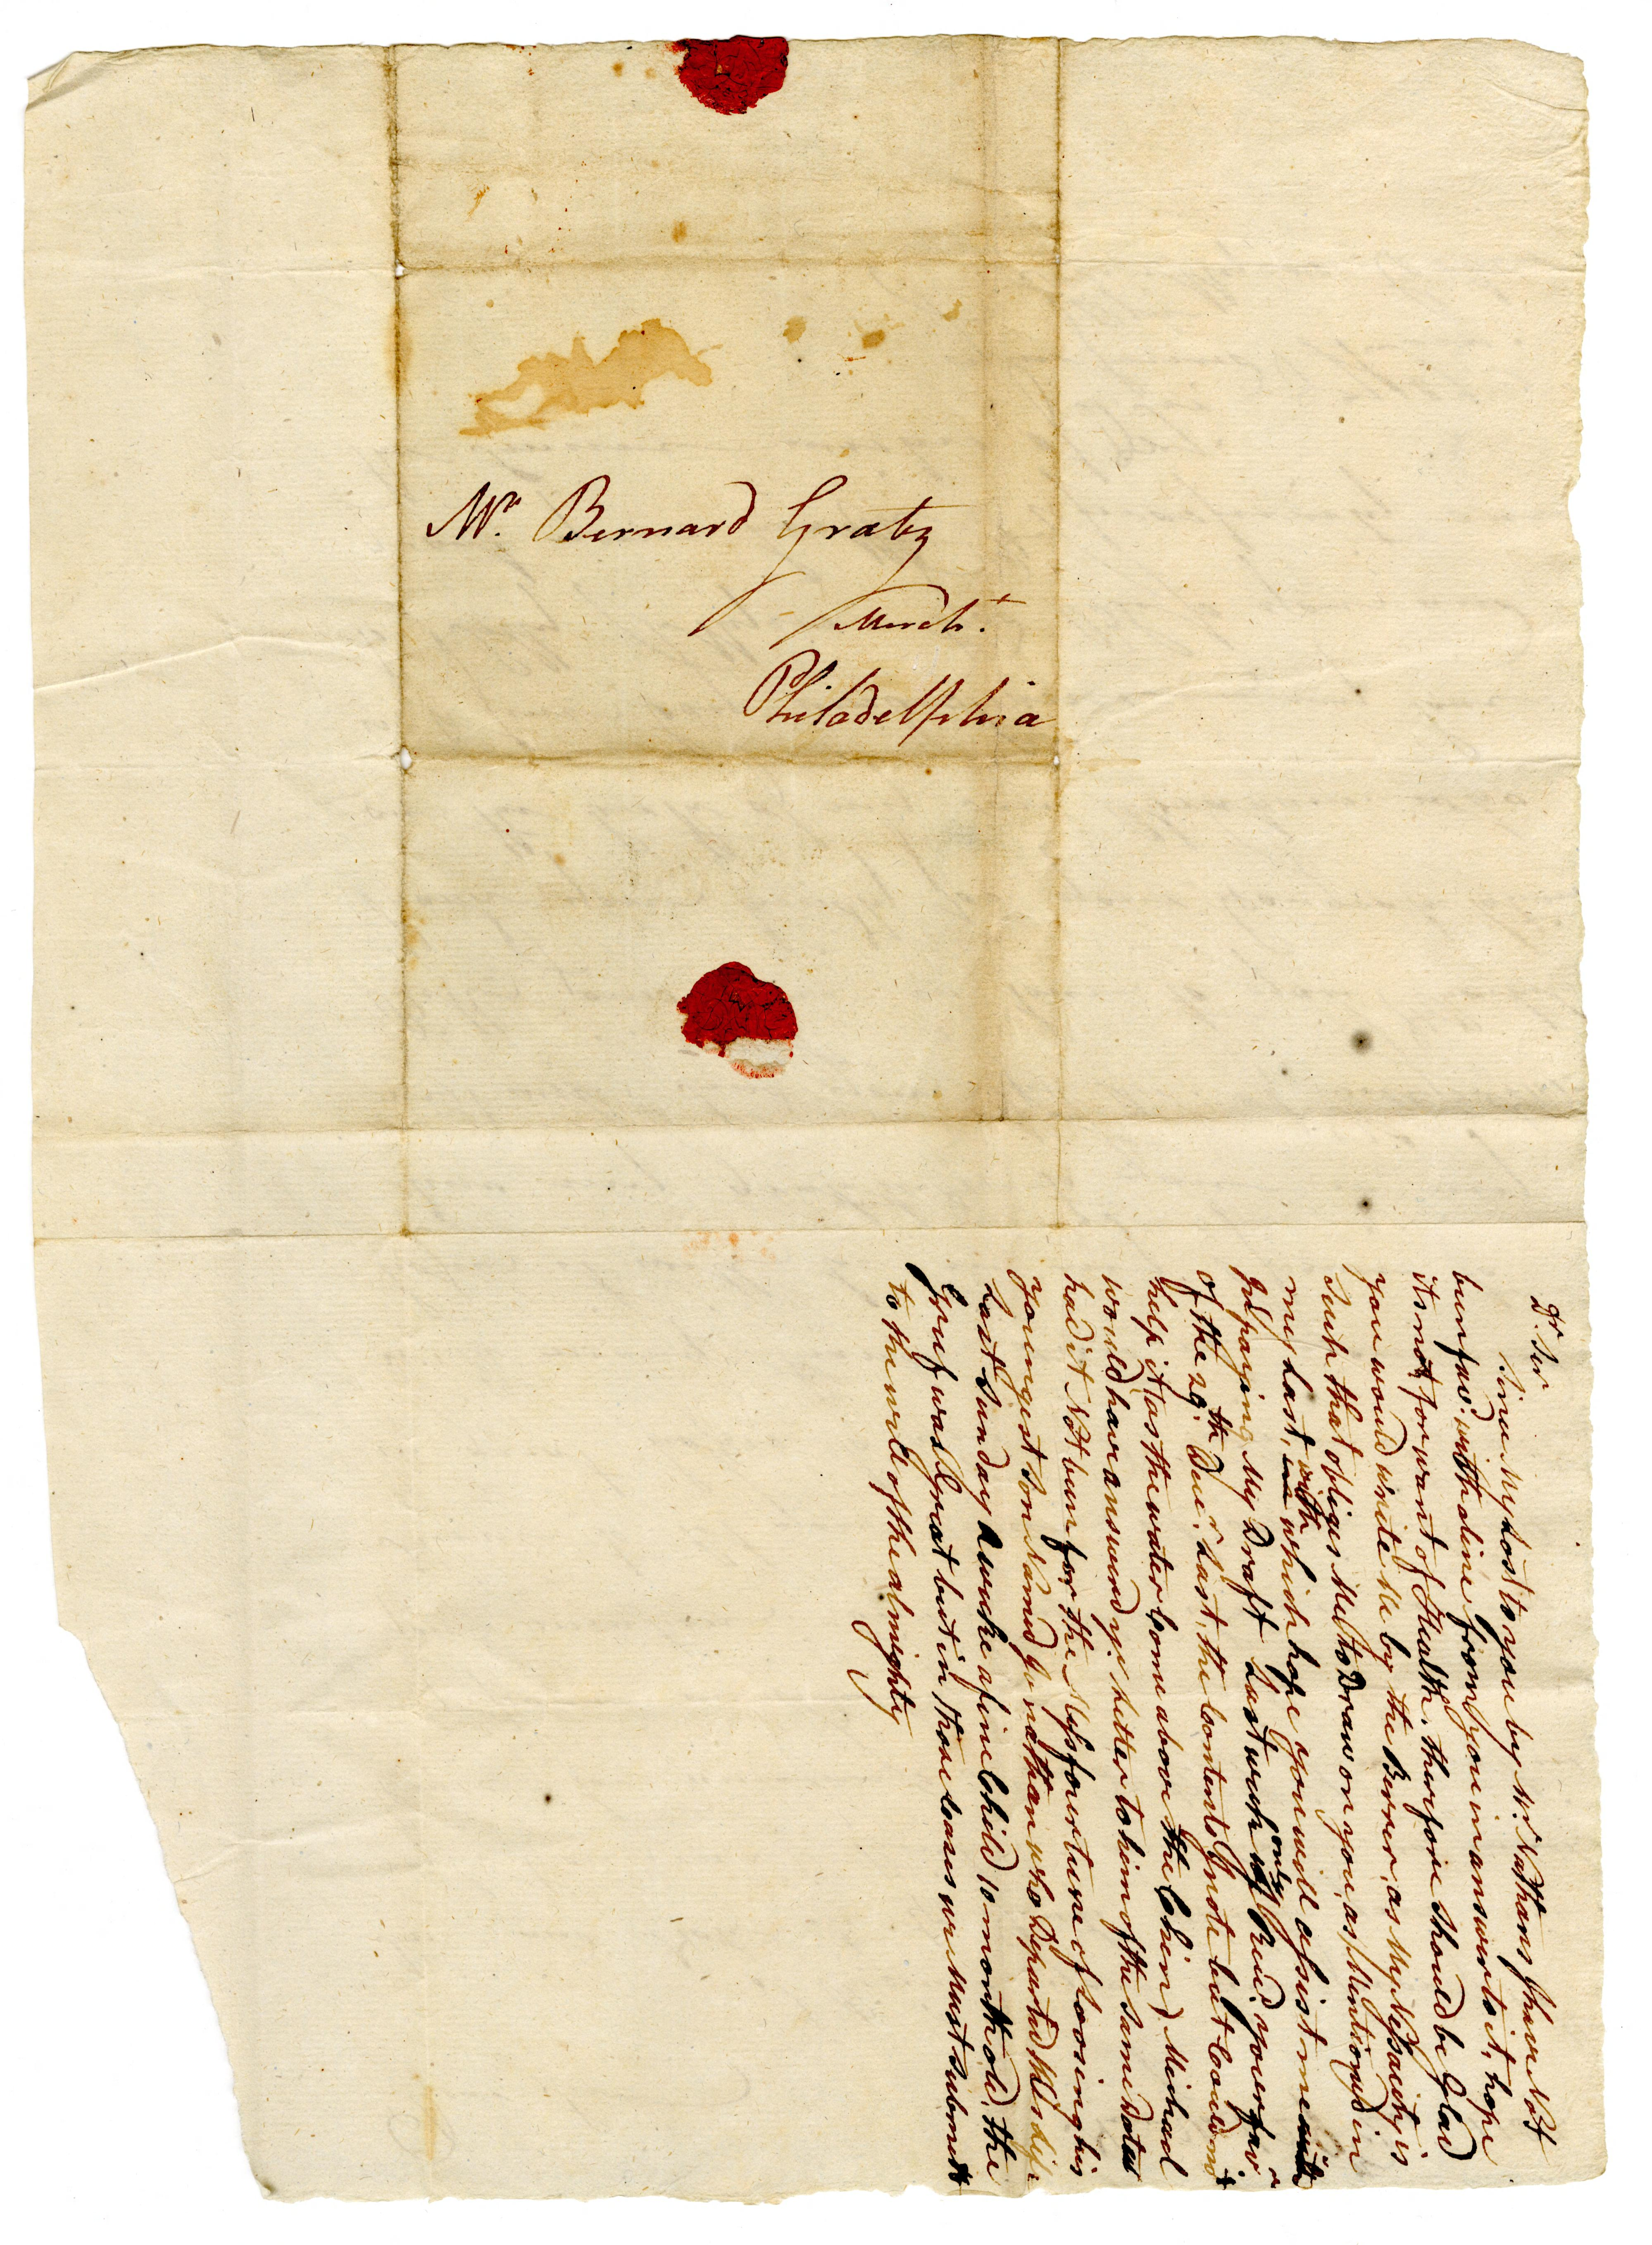M^r Barnard Gratz
Merch^t.
Philadelphia
D^r Sir
Since my last to you by M^r. Nathans I have Not
been fav^d. with a line from you in answer to it, hope
its not for want of Health. therefore should be glad
you would write me by the Bearer, as My necessity is
such that obliges me to Draw on you, as Mentioned in
my last with which hope you will assist me [with]
In paying My Draft Last week only [__] Rec'd. your fav^r.
of the 29^th. Dece^r. Last, the Contents I note but could not
help it as the water Come above the Chin) Michael
would have answerd y^e. Letter to him of the same date
had it Not been for the Missfortune of Loosing his
youngest son Named Jonathan who Departed his Life
last Sunday a weeke a fine Child 10 month old, the
Gratz was Great but in those cases we must submitt
to the will of the almighty